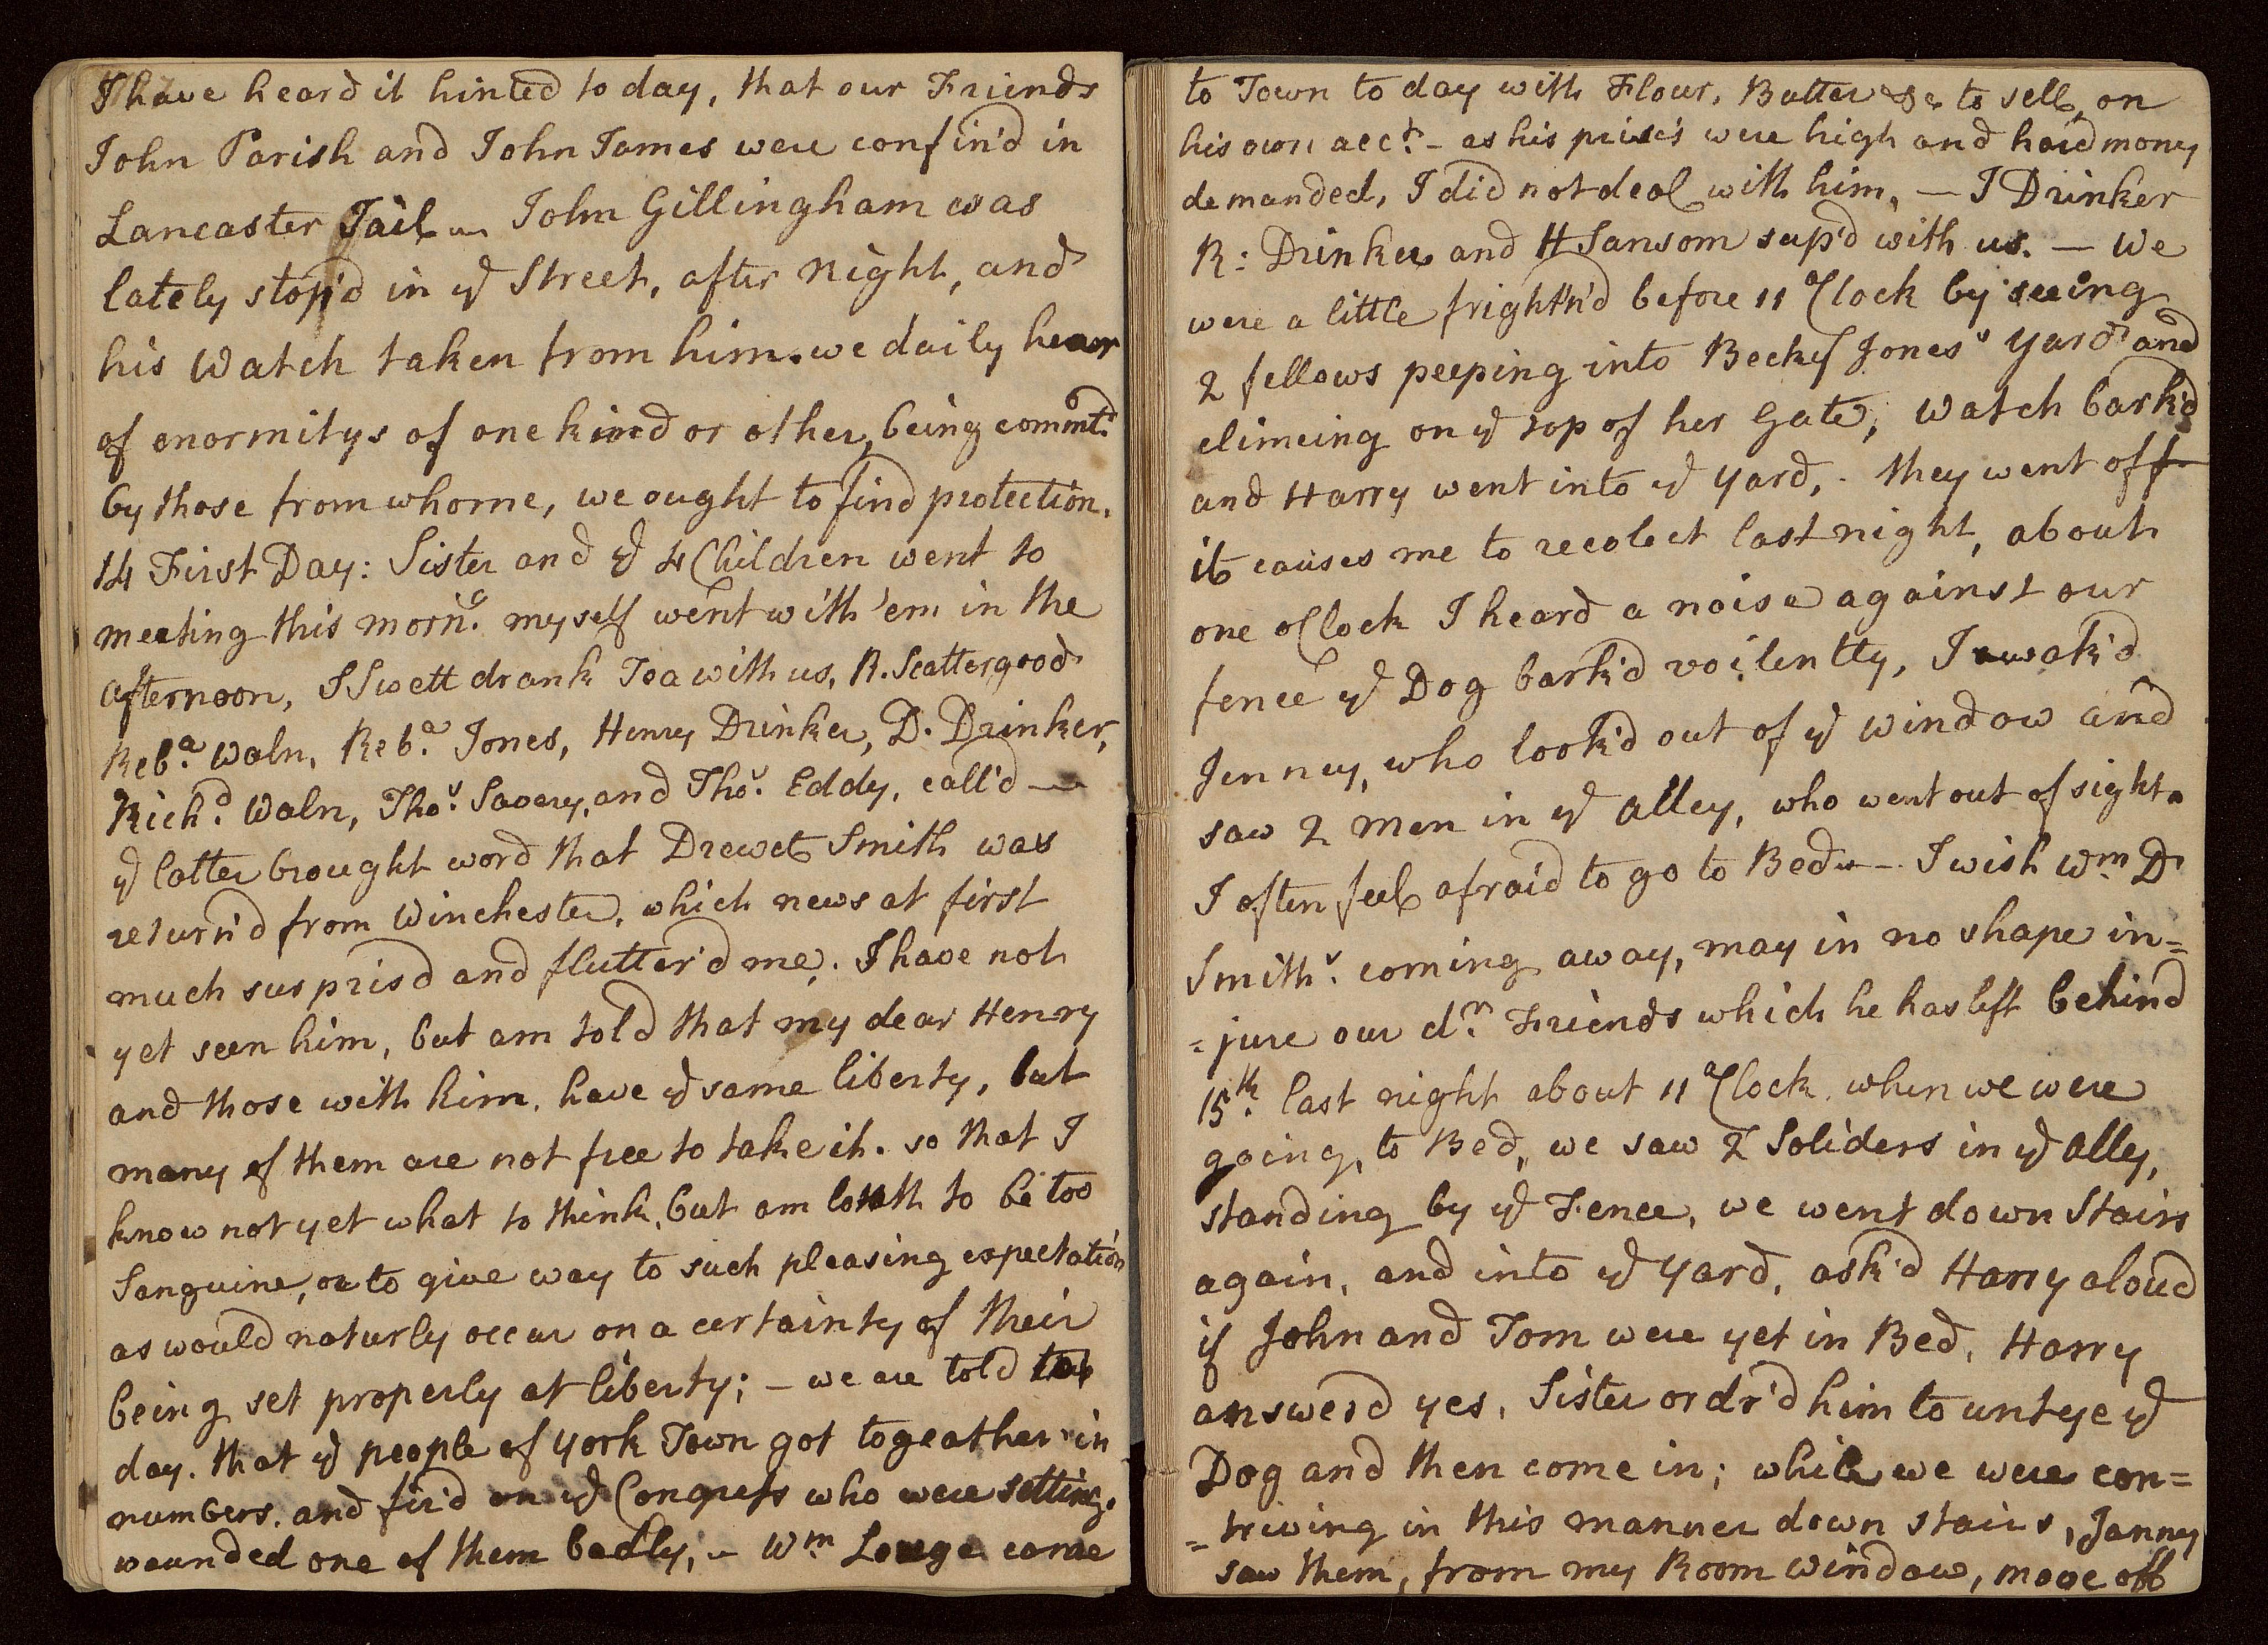I have heard it hinted to day, that our Friends
John Parish and John James were confin'd in
Lancaster Jail- John Gillingham was
lately stop'd in y^e Street, after Night, and
his watch taken from him. we daily hear
of enormitys of one kind or other, being commt^d.
by those from whome, we ought to find protection.
14 First Day: Sister and y^e 4 Children went to
meeting this morn^g. myself went with 'em in the
Afternoon, S Swett drank Tea with us, R. Scattergood
Reb^a. Waln, Reb^a. Jones, Henry Drinker, D. Drinker,
Rich^d. Waln, Tho^s. Savery, and Tho^s Eddy, call'd-
y^e latter brought word that Drewet Smith was
return'd from Winchester, which news at first
much surprisd and flutter'd me. I have not
yet seen him, but am told that my dear Henry
and those with him. have y^e same liberty, but
many of them are not free to take it. so that I
know not yet what to think, but am lo[a]th to be too
Sanguine, or to give way to such pleasing expectation
as would naturly occur on a certainty of their
being set properly at liberty;- we are told [to-]
day. that y^e people f York Town got togeather in
numbers. and fir'd on y^e Congress who were setting.
wounded one of them badly,- W^m. Louge came
to Town to day with Flour, Butter &c to sell, on
his own acc^t.- as his prise's were high and hard mony
demanded, I did not deal with him.- I Drinker
R: Drinker and H Sansom sup'd with us.- We
were a little frightn'd before 11 ^oClock by seeing
2 fellows peeping into Becky Jones^s yard and
climeing on y^e top of her Gate, watch bark'd
and Harry went into y^e yard,. they went off
it causes me to recolect last night, about
one oClock I heard a noise against our
fence y^e Dog bark'd voilently, I awak'd
Jenney, who look'd out of y^e window and
saw 2 Men in y^e alley, who went out of sight.
I often feel afraid to go to Bed-- I wish W^m.D
Smith^s. coming away, may in no shape in-
-jure our d^r. Friends which he has left behind
15^th last night about 11 ^oClock when we were
going, to Bed, we saw 2 Soliders in y^e ally,
standing by y^e Fence, we went down Stairs
again, and into y^e yard, ask'd Harrny aloud
if John and Tom were yet in Bed. Harry
answerd yes, Sister ordr'd him to untye y^e
Dog and then come in; while we were con-
-triving in this manner down stairs, Janny
saw them, from my Room Window, move off